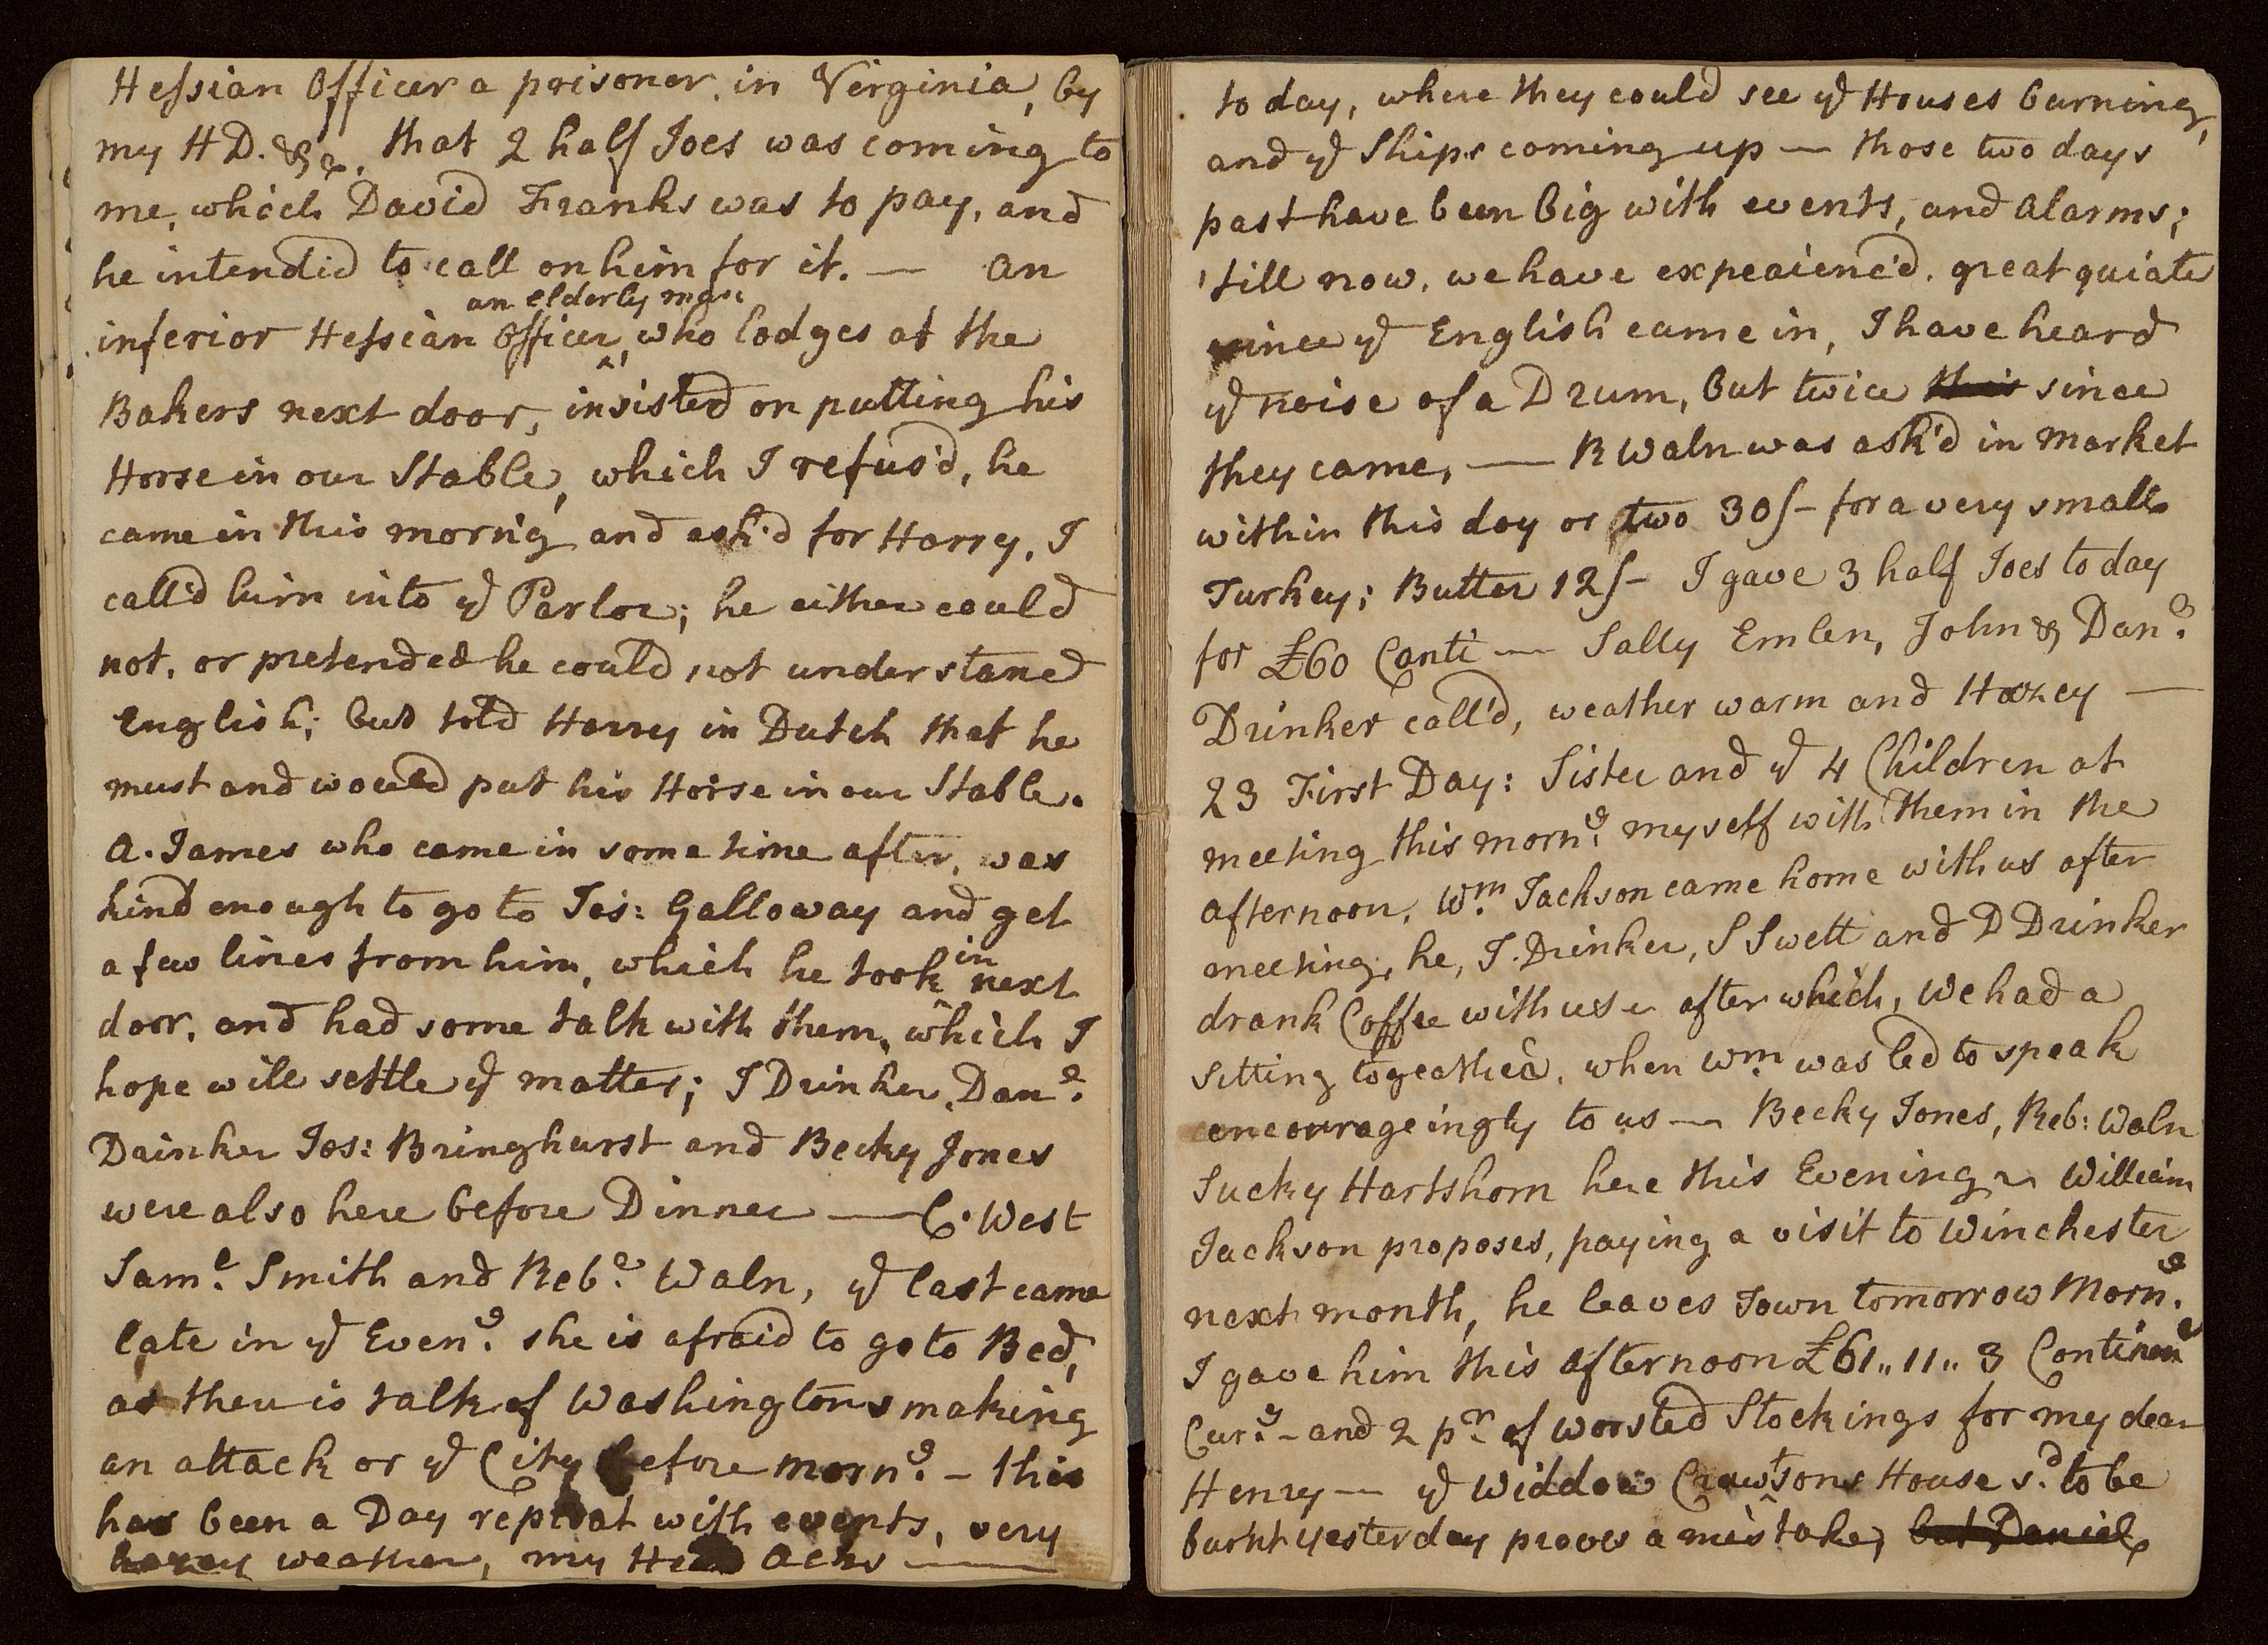Hessian Officer a prisoner in Virginia, by
my HD. &c, that 2 half Joes was coming to
me, which David Franks was to pay, and
he intendid to call on him for it.- an
an elderly man
inferior Hessian Officer ^ , who lodges at the
Bakers next door, insisted on putting his
Horse in our Stables, which I refus'd, he
came in this morn'g and ask'd for Harry, I
call'd him into y^e Parlor; he either could
not, or pretended he could not understand
English; but told Harry in Dutch that he
must and would put his Horse in our Stable.
A. James who came in some time after, was
kind enough to go to Jos: Galloway and get
in
a few lines from him, which he took ^ next
door, and had some talk with them, which I
hope will settle y^e matter; J Drinker, Dan^l.
Drinker Jos: Bringhurst and Becky Jones
were also here before Dinner- C. West
Sam^l. Smith and Reb^a. Waln, y^e last came
late in y^e Even^g. she is afraid to go to Bed,
as then is talk of Washingtons making
an attack or y^e City [b]efore morn^g.- this
he been a Day repleat with events, very
hazey weather, my Head Achs -
to day, where they could see y^e Houses burning,
and y^e Ships coming up- those two days
past have been big with events, and Alarms;
'till now, we have expeaienc'd great quiate
[s]ince y^e English came in, I have heard
y^e noise of a D rum, but twice [this] since
they came,- R Waln was ask'd in Market
within this day or two 30s- for a very small
Turkey; Butter 12s- I gave 3 half Joes to day
for £60 Canti- Sally Emlen, John & Dan^l.
Drinker call'd, weather warm and Hazey-
23 First Day: Sister and y^e 4 Children at
meeting this morn^g. myself with them in the
Afternoon, W^m. Jackson came home with us after
meeting, he, J. Drinker, S Swelt and D Drinker
drank Coffee with us- after which, We had a
sitting togeather, when W^m was led to speak
encourageingly to us- Becky Jones, Reb: Waln
Sucky Hartshom here this Evening - William
Jackson proposes, paying a visit to Winchester
next month, he leaves Town tomorrow Morn^g.
I gave him this afternoon £61..11.. 3 Continen^l
Cur^y.- and 2 p^r of worsted Stockings for my dear
Henry- y^e Widdow Craw^t sons House s^d. to be
burnt yesterday proves a mistake, but Daniel